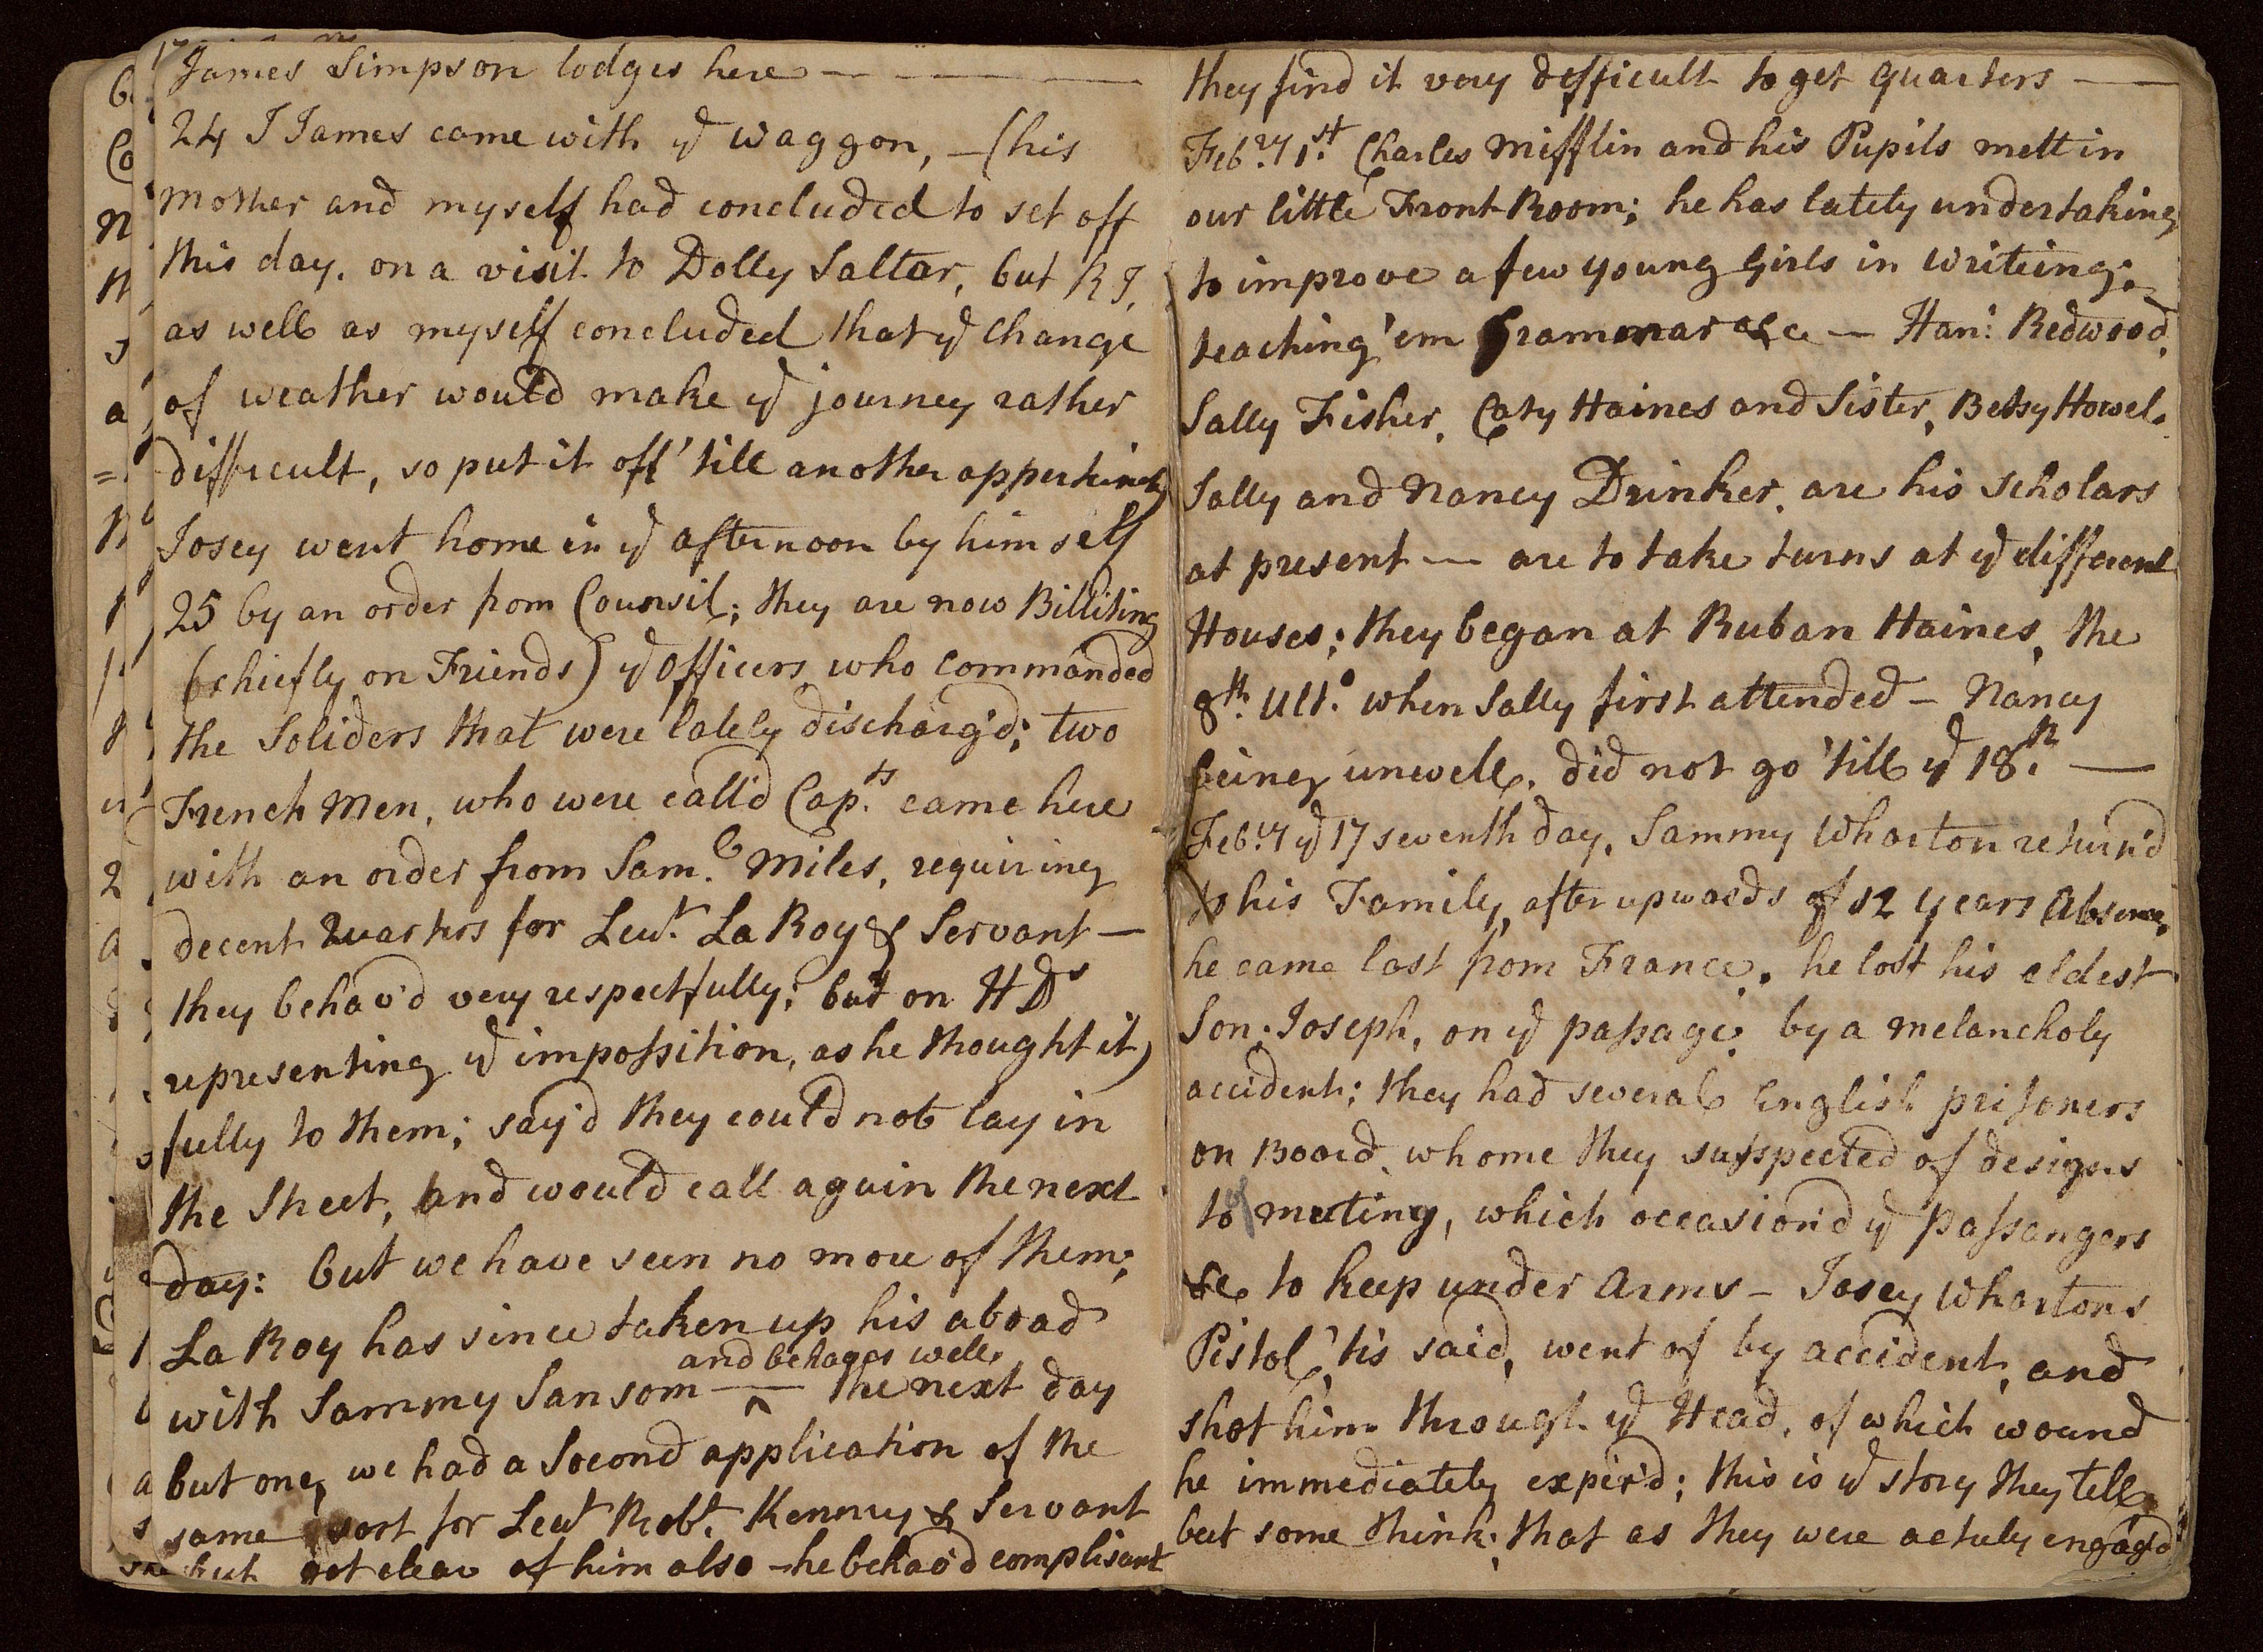James Simpson lodges here-
24 J James came with y^e waggon,- (his
mother and myself had concluded to set off
this day on a visit to Dolly Saltar, but RJ
as well as myself concluded that y^e Change
of weather would make y^e journey rather
difficult, so put it off 'till another oppurtunity
Josey went home in y^e afternoon by himself
25 by an order from Counsil; they are now Billiting
(chiefly on Friends) y^e Officers who commanded
the Soliders that were lately discharg'd; two
French Men, who were call'd Cap^ts. came here
with an order from Sam^l. Miles, requiring
decent Quarters for Leu^t. La Roy & Servant-
they behav'd very respectfully, but on HD^s
representing y^e impossition, as he thought it)
fully to them; say'd they could not lay in
the Street, and would call again the next
day: but we have seen no more of them,
La Roy has since taken up his aboad
and behaves wells
with Sammy Sansom- the next day
but one, we had a Second application of the
same sort for Leu^t Rob^t Kenney & Servant
but not clear of him also- he behav'd complisant
they find it very difficult to get quarters-
Feb^ry. 1^st. Charles Mifflin and his Pupils mett in
our little Front Room; he has lately undertaking
to improve a few young Girls in Writeing:
teaching 'em grammar &c- Han: Redwood,
Sally Fisher, Caty Haines and Sister, Betsy Howel
Sally and Nancy Drinker, are his scholars
at present- are to take turns at y^e different
Houses; they began at Ruban Haines, the
8^th Ult^o. when sally first attended- Nancy
being unwell, did not go 'till y^e 18^th.-
Feb^ry y^e 17 seventh day, Sammy Wharton return'd
to his Family, after upwards of 12 years Absence,
he came last from France, he lost his oldest
Son; Joseph, on y^e passage by a melancholy
accident; they had several English prisoners
on Board, whome they susspected of designs
to meeting, which occasion'd y^e passengers
&c to keep under Arms- Josey Whartons
Pistol 'tis said, went of by accident, and
shat him through y^e Head, of which wound
he immediately expir'd; this is y^e story they tell
but some think; that as they were actuly engag'd